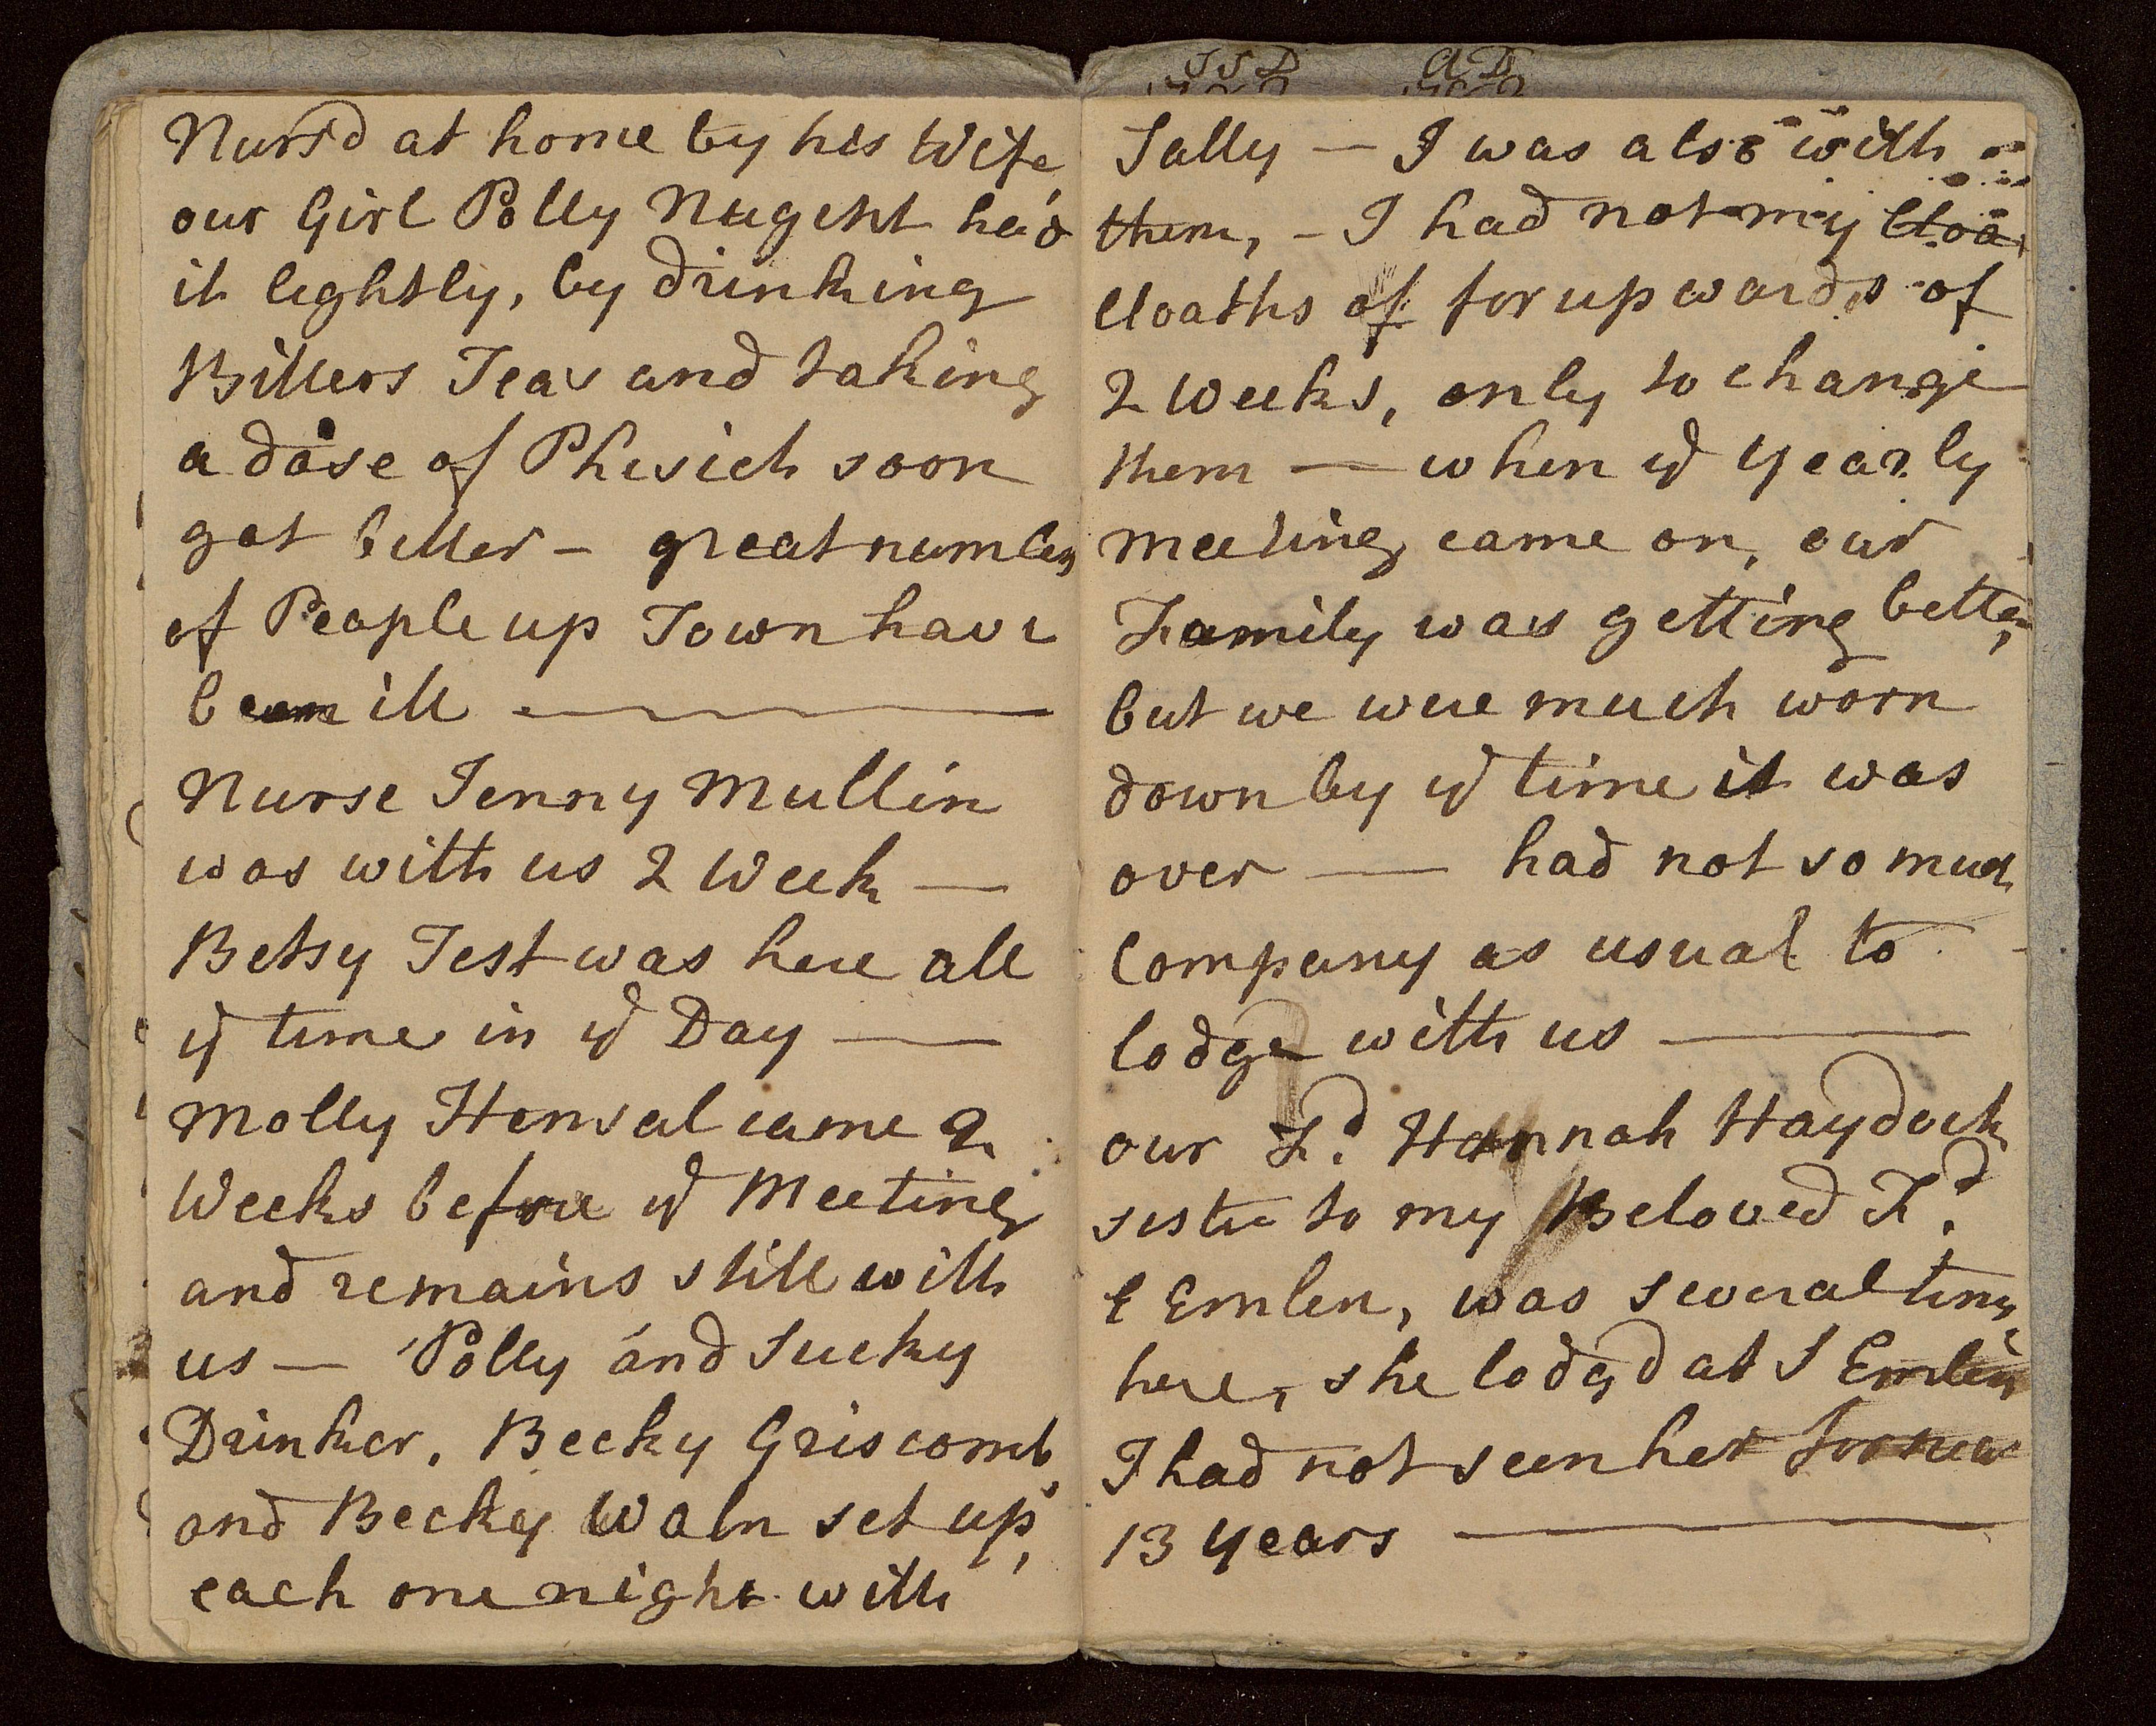Nurs'd at home by his Wife,
our Girl Polly Nugent has
it lightly, by drinking
Bitters Teas and taking
a dose of Phisick soon
got better- great number
of People up Town have
been ill-
Nurse Jenny Mullin
was with us 2 Week-
Betsy Test was here all
y^e time in y^e Day-
Molly Hensal came 2
Weeks before y^e Meeting
and remains still with
us- Polly and Sueky
Drinker, Becky Griscomb,
and Becky Waln set up,
each one night with
Sally- I was also with
them,- I had not my [Cloa]
Cloaths of for upwards of
2 weeks, only to change
them- when y^e yearly
meeting came on, our
Family was getting better
but we were much worn
down by y^e time it was
over- had not so much
Company as usual to
lodge with us-
our F^d. Hannah Haydock
sister to my Beloved F^d,
E Emlen, was several tiny
here, she lodgd at S Emlen^s
I had not seen her for now
13 years